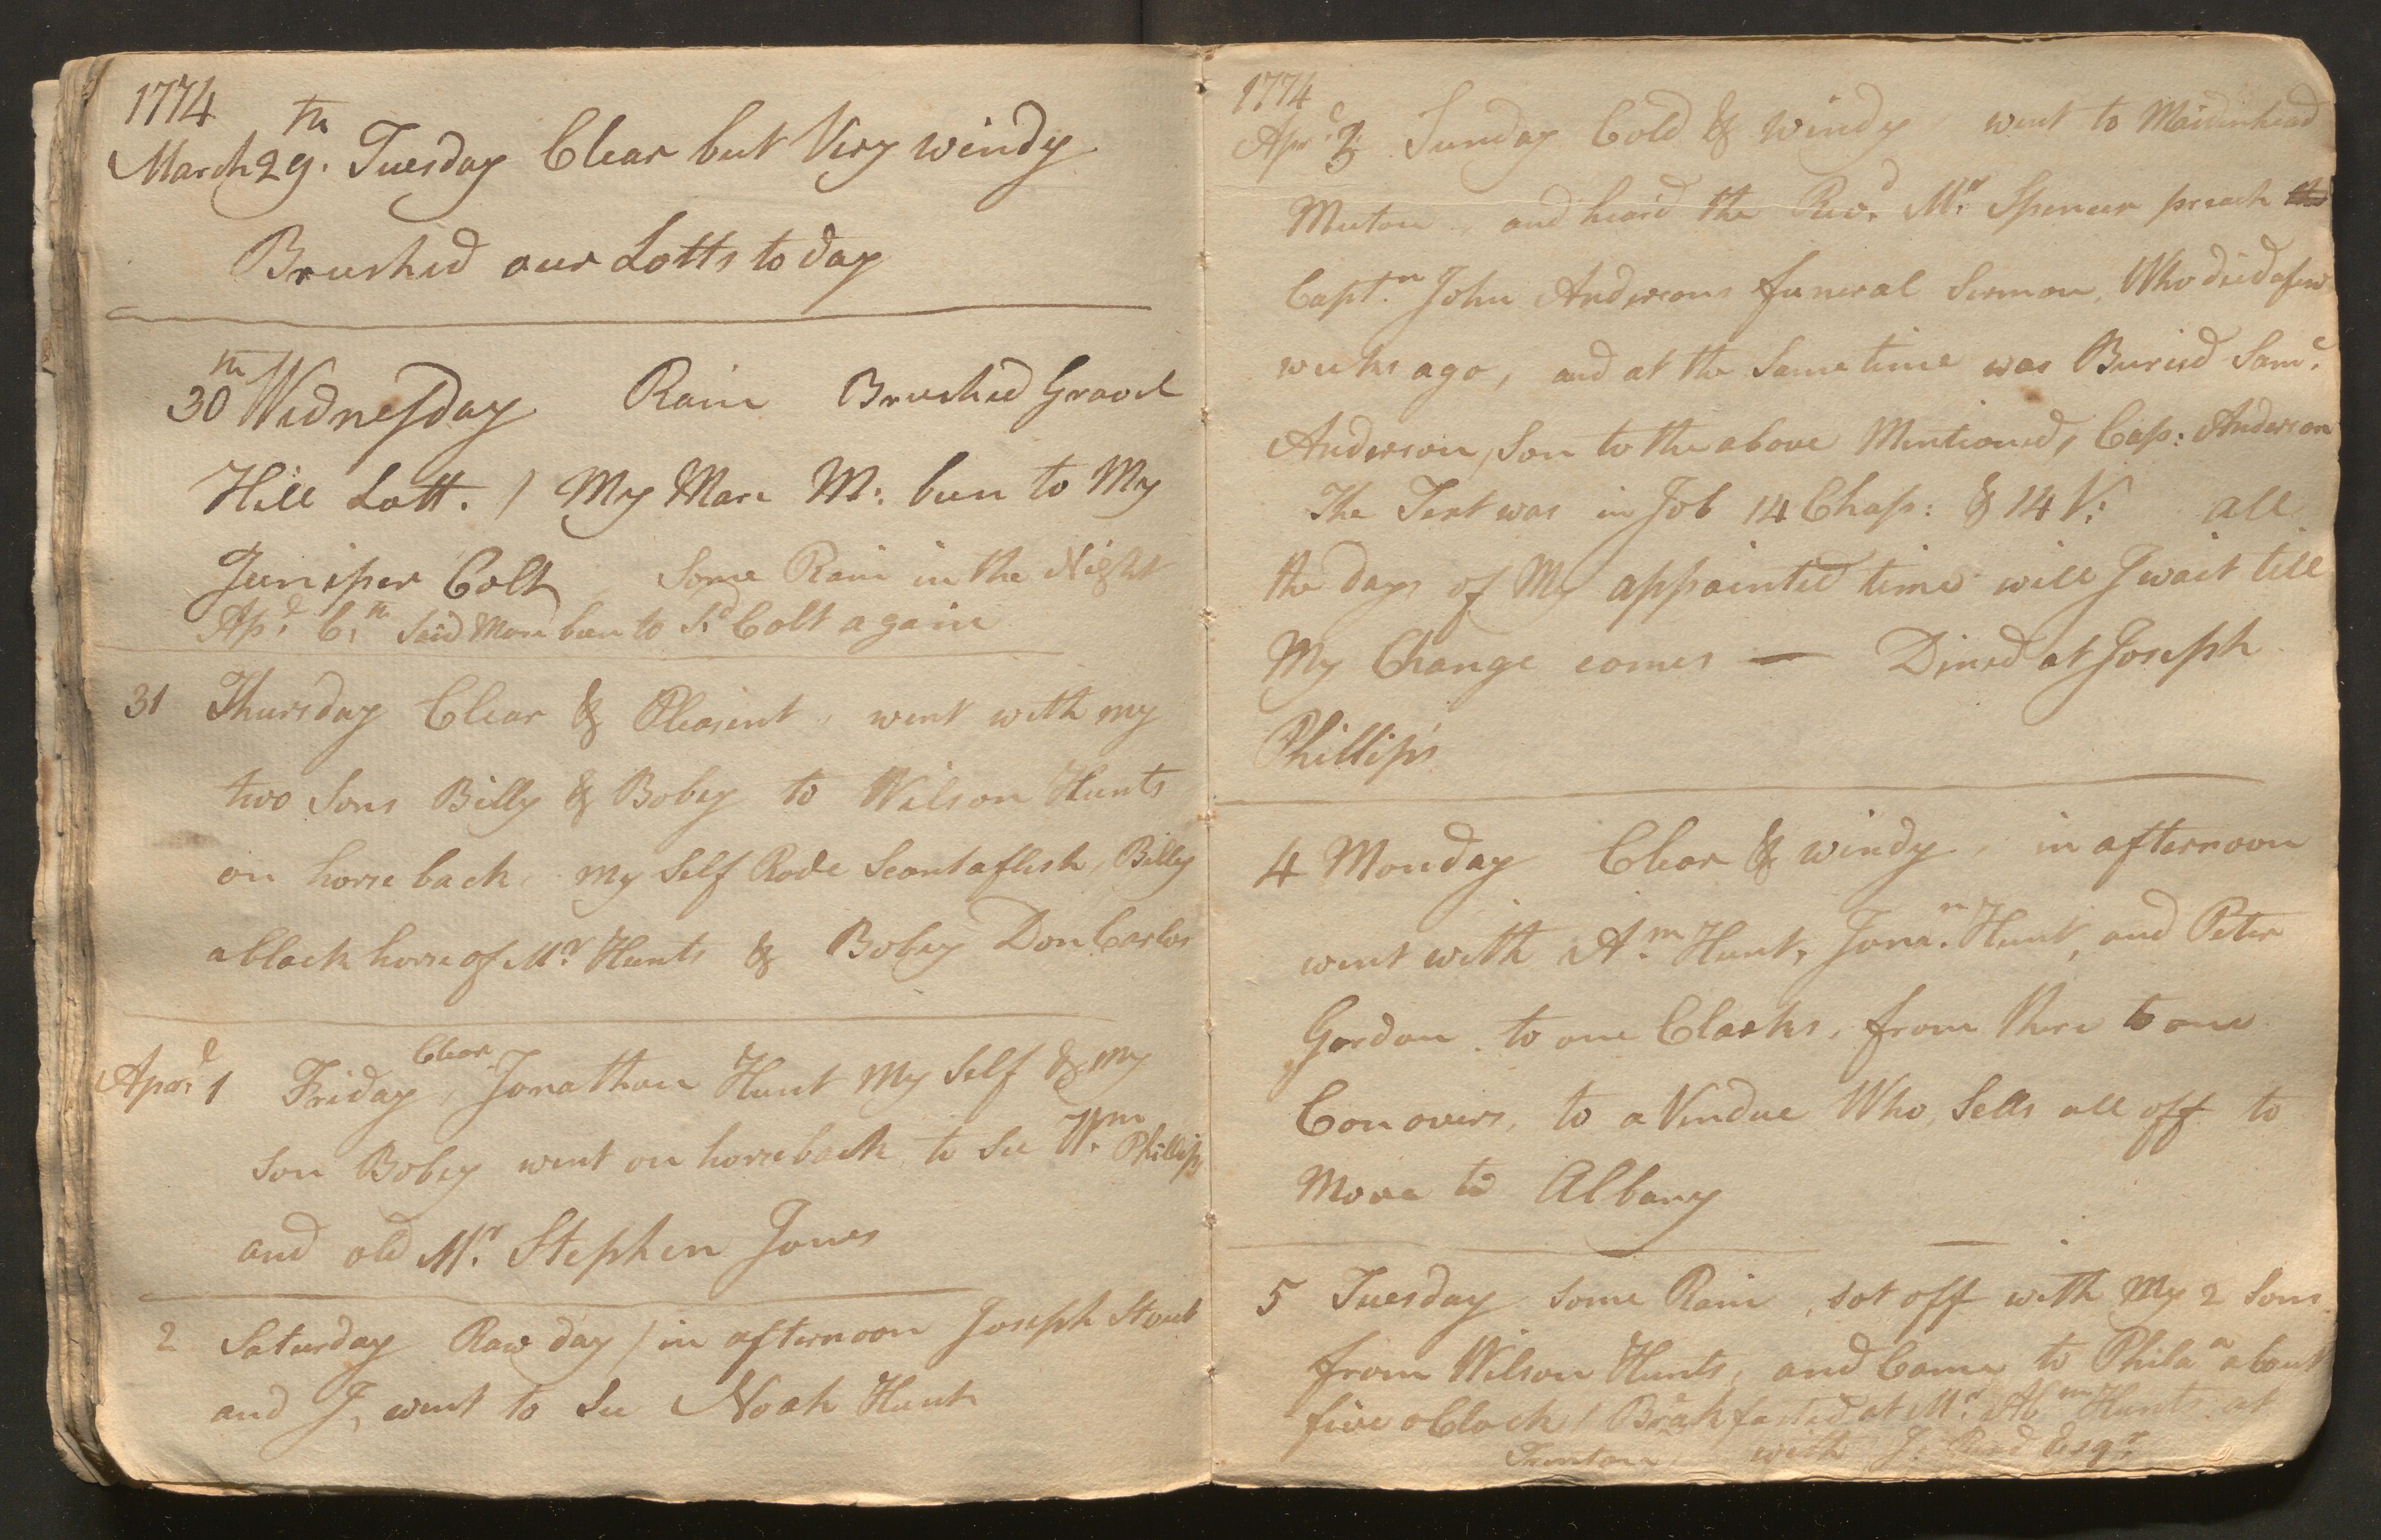1774
March 29^th. Tuesday Clear but Very windy
Brushed our Lotts to day
30^th Wednesday, Rain Brushed Gravel
Hill Lott. My Mare M. been to My
Juniper Colt some Rain in the Night
Ap^l. 6^th. said Mare been to s^d. Colt again
31 Thursday Clear & Pleasent went with my
two Sons Billy & Bobey to Wilson Hunts
on horse back my Self Rode Scontaflesh, Billey
a black horse of M^r. Hunts & Bobey Don Carlos
Apr^l. 1 Friday, Jonathan Hunt My self & my
Clear
Son Bobey went on horseback to see W^m. Phillip
and old M^r. Stephen Jones
2 Saturday Raw day / in afternoon Joseph Stout
and I went to See Noah Hunt
1774
Apr^l. 3 Sunday Cold & windy went to Maidenhead
Muton, and heard the Rev^d. M^r. Spencer preach [_]
Capt^n. John Andersons funeral Sermon, Who died a few
weeks ago, and at the Same time was Buried Sam^l.
Anderson, Son to the above Mentioned, Cap. Anderson
The Text was in Job 14 Chap: & 14 V: all
the days of My appointed time will I wait till
My Change comes- Dined at Joseph
Phillips
4 Monday Clear & windy, in afternoon
went with A^m. Hunt, Jona^n. Hunt and Peter
Gordon to one Clocks, from there to one
Conovers to a Vendue Who Sells all off to
Move to Albany
5 Tuesday some Rain, sot off with My 2 sons
from Wilson Hunts, and Came to Phila^a. about
five o Clock Br^eakfasted at M^r. Ab^m. Hunts at
Trenton, with J. Read Esq^r.